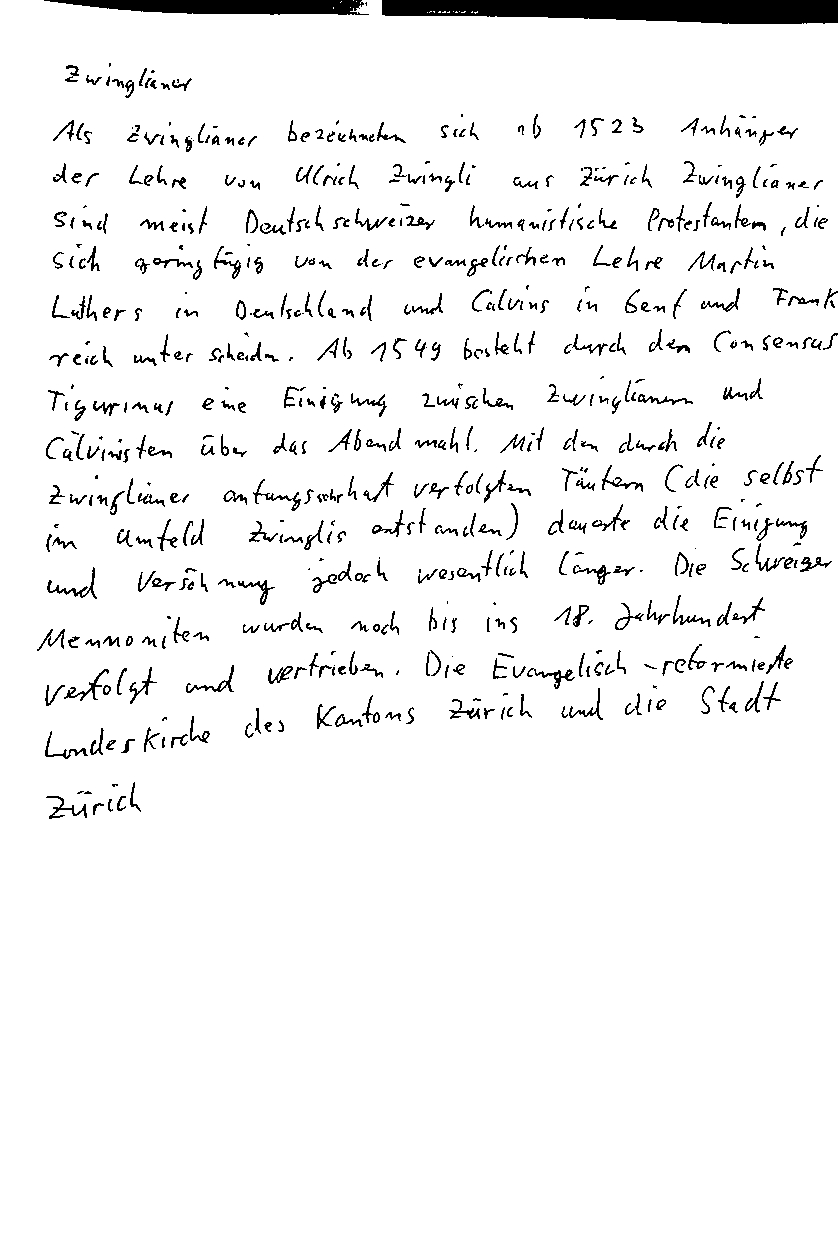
Zwinglianer
Als Zwinglianer bezeichneten Sich ab 1523 Anhänger
der Lehre Von Ulrich Zwingli aus Zürich Zwinglianer
Sind meist Deutschschweizer humanistische Protestanten , die
Sich geringfügig von der evangelischen Lehre Martin
Luthers in Deutschland und Calvins in Genf und Frank
reich unterscheiden. Ab 1549 besteht durch den Consensus
Tigurinus eine Einigung zwischen Zwinglianern und
Calvinisten über das Abend mahl Mit den durch die
Zwinglianer anfangs sehr hart verfolgten Täufern (die selbst
im Umfeld Zwinglis entstanden) dauerte die Einigung
und Versöhnung jedoch wesentlich Länger. Die Schweizer
Mennoniten wurden noch bis ins 18. Jahrhundert
verfolgt und vertrieben. Die Evangelisch-reformierte
Landeskirche des Kantons Zürich und die Stadt
Zürich
